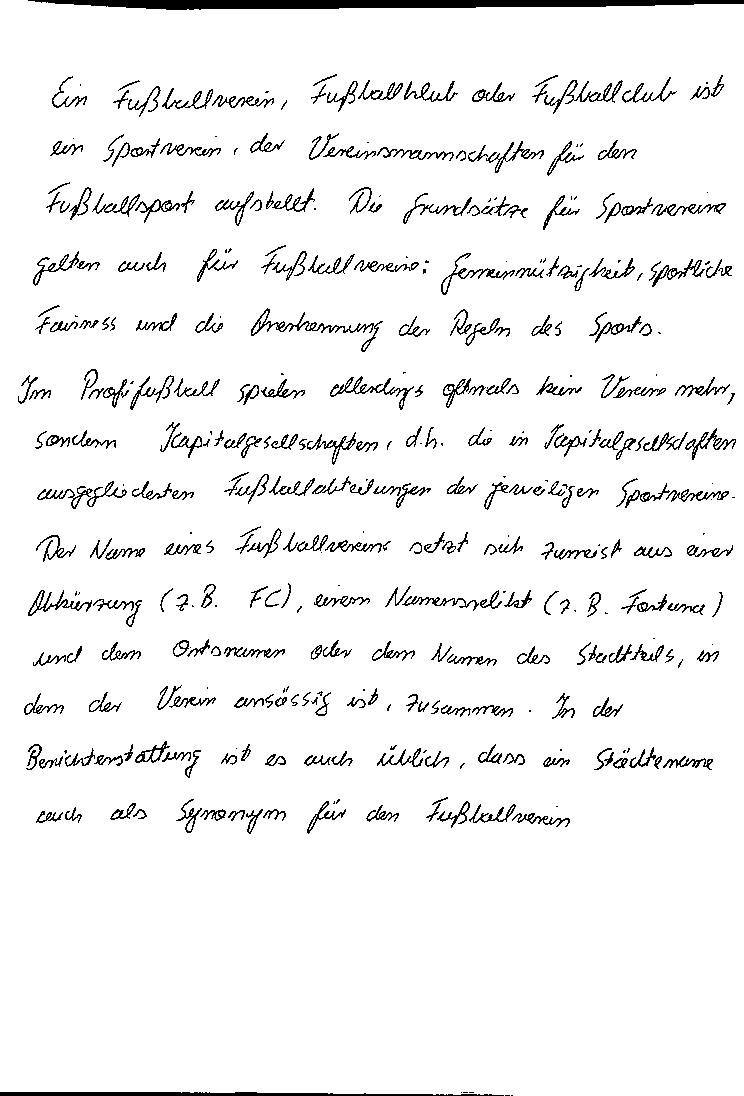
Ein Fußballverein, Fußballklub oder Fußballclub ist
ein Sportverein, der Vereinsmannschaften für den
Fußballsport aufstellt. Die Grundsätze für Sportvereine
gelten auch für Fußballvereine: Gemeinnützigkeit, sportliche
Fairness und die Anerkennung der Regeln des Sports.
Im Profifußball spielen allerdings oftmals keine Vereine mehr,
sondern Kapitalgesellschaften, d. h. die in Kapitalgesellschaften
ausgegliederten Fußballabteilungen der jeweiligen Sportvereine.
Der Name eines Fußballvereins setzt sich zumeist aus einer
Abkürzung (z. B. FC), einem Namensrelikt (z. B. Fortuna)
und dem Ortsnamen oder dem Namen des Stadtteils, in
dem der Verein ansässig ist, zusammen. In der
Berichterstattung ist es auch üblich, dass ein Städtename
auch als Synonym für den Fußballverein
